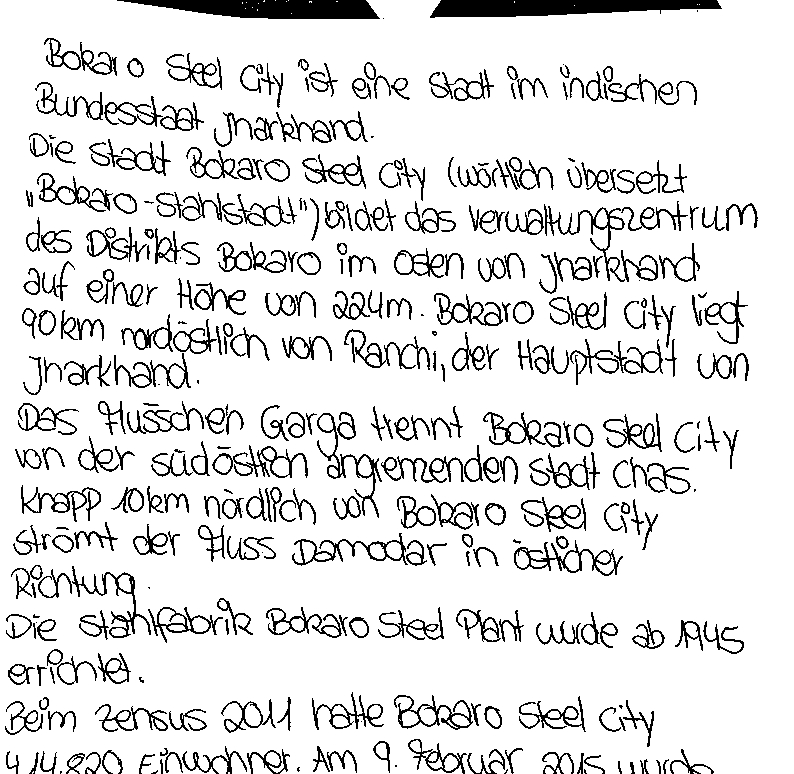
Bokaro Steel City ist eine Stadt im indischen
Bundesstaat Jharkhand.
Die Stadt Bokaro Steel City (wörtlich übersetzt
"Bokaro- Stahlstadt") Bildet das Verwaltungszentrum
des Distrikts Bokaro im Osten von Jharkhand
auf einer Höhe von 224m. Bokaro Steel City liegt
90km nordöstlich von Ranchi, der Hauptstadt von
Jharkhand.
Das Flüsschen Garga trennt Bokaro Steel City
von der südöstlich angrenzenden Stadt Chas.
Knapp 10km nördlich von Bokaro Steel City
strömt der Fluss Damodar in östlicher
Richtung.
Die Stahlfabrik Bokaro Steel Plant wurde ab 1945
erreichtet.
Beim Zensus 2011 hatte Bokaro Steel City
414.820 Einwohner. Am 9. Februar 2015 wurde
